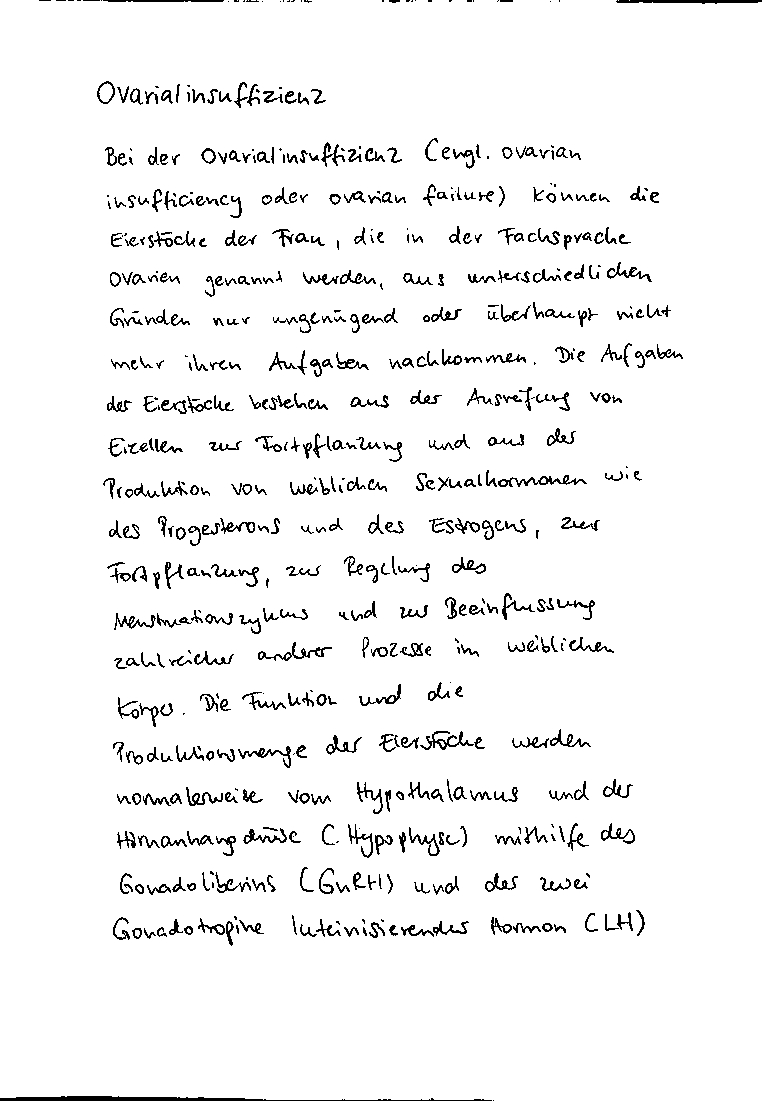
Ovarialinsuffizienz
Bei der Ovarialinsuffizienz (engl. ovarian
insufficiency oder ovarian failure) können die
Eierstöcke der Frau, die in der Fachsprache
Ovarien genannt werden, aus unterschiedlichen
Gründen nur ungenügend oder überhaupt nicht
mehr ihren Aufgaben nachkommen. Die Aufgaben
der Eierstöcke bestehen aus der Ausreifung von
Eizellen zur Fortpflanzung und aus der
Produktion von weiblichen Sexualhormone wie
des Progesterons und des Estrogens, zur
Fortpflanzung, zur Regelung des
Menstruationszyklus und zur Beeinflussung
zahlreicher anderer Prozesse im weiblichen
Körper. Die Funktion und die
Produktionsmenge der Eierstöcke werden
normalerweise vom Hypothalamus und der
Hirnanhangsdrüse (Hypophyse) mithilfe des
Gonadoliberins (GnRH) und der zwei
Gonadotropine luteinisierendes Hormon (LH)
